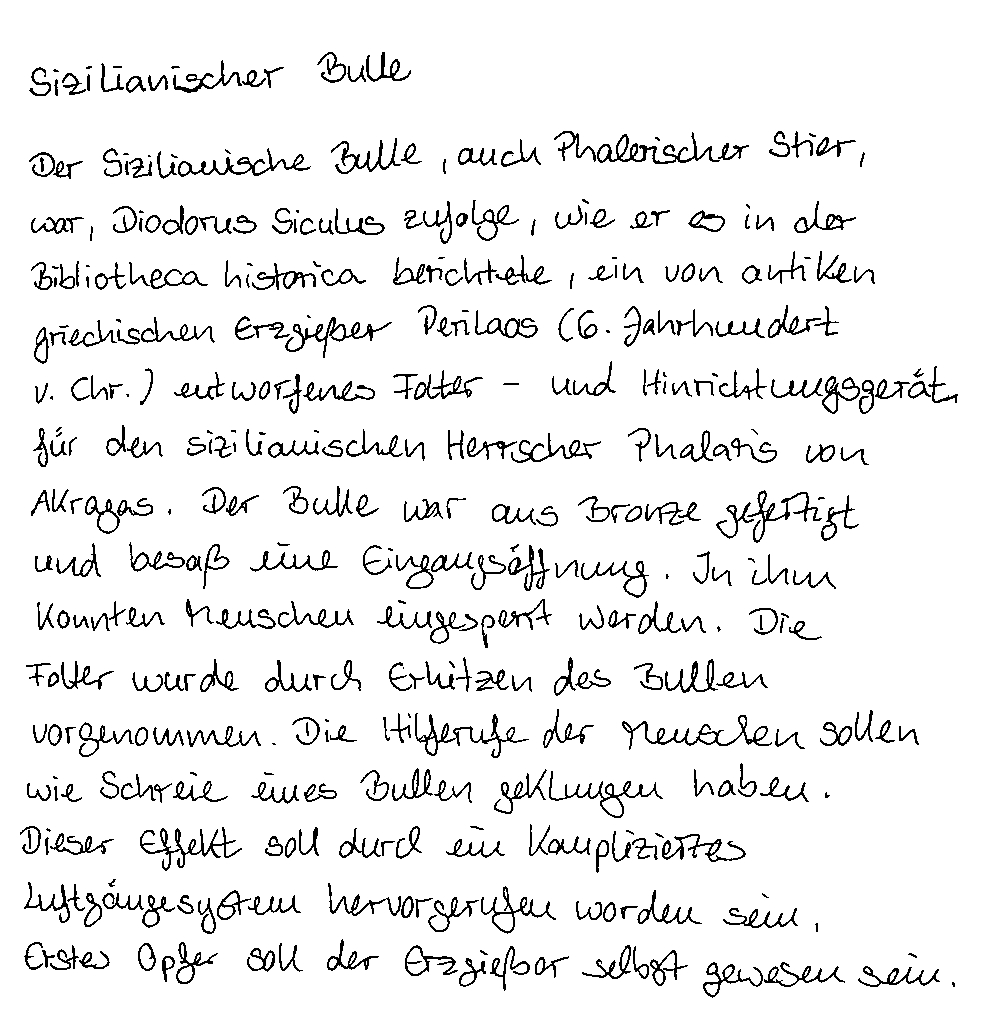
Sizilianischer Bulle
Der Sizilianische Bulle, auch Phalerischer Stier,
war, Diodorus Siculus zufolge, wie er es in der
Bibliotheca historica berichtete, ein vom antiken
griechischen Erzgießer Perilaos (6. Jahrhundert
v. Chr. ) entworfenes Folter- und Hinrichtungsgerät
für den sizilianischen Herrscher Phalaris von
Akragas. Der Bulle war aus Bronze gefertigt
und besaß eine Eingangsöffnung. In ihm
Konnten Menschen eingesperrt werden. Die
Folter wurde durch Erhitzen des Bullen
vorgenommen. Die Hilferufe der Menschen sollen
wie Schreie eines Bullen geklungen haben.
Dieser Effekt soll durch ein kompliziertes
Luftgängesystem hervorgerufen worden sein.
Erstes Opfer soll der Erzgießer selber gewesen sein.
